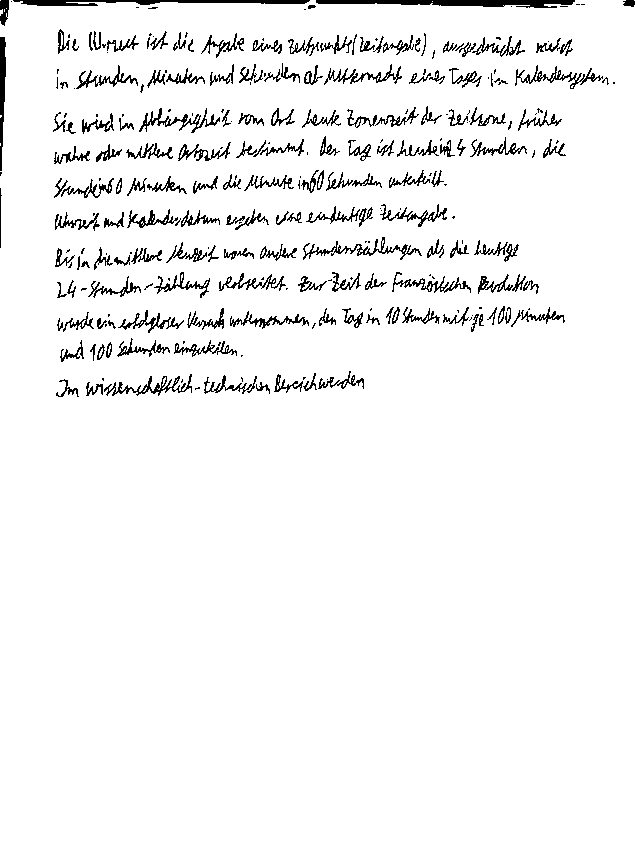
Die Uhrzeit ist die Angabe eines Zeitpunkts (Zeitangabe), ausgedrückt meist
in Stunden, Minuten und Sekunden ab Mitternacht eines Tages im Kalendersystem.
Sie wird in Abhängigkeit vom Ort heute Zonenzeit der Zeitzone, früher
wahre oder mittlere Ortszeit bestimmt. Der Tag ist heute in24 Stunden, die
Stunde in 60 Minuten und die Minute in 60 Sekunden unterteilt.
Uhrzeit und Kalenderdatum ergeben eine eindeutige Zeitangabe.
Bis in mittlere Neuzeit waren andere Stundenzählungen als die heutige
24-Stunden-Zählung verbreitet. Zur Zeit der Französischen Revolution
wurde ein erfolgloser Versuch unternommen, den Tag in 10 Stunden mit je 100 Minuten
und 100 Sekunden einzuteilen.
Im wissenschaftlich-technischen Bereich werden
